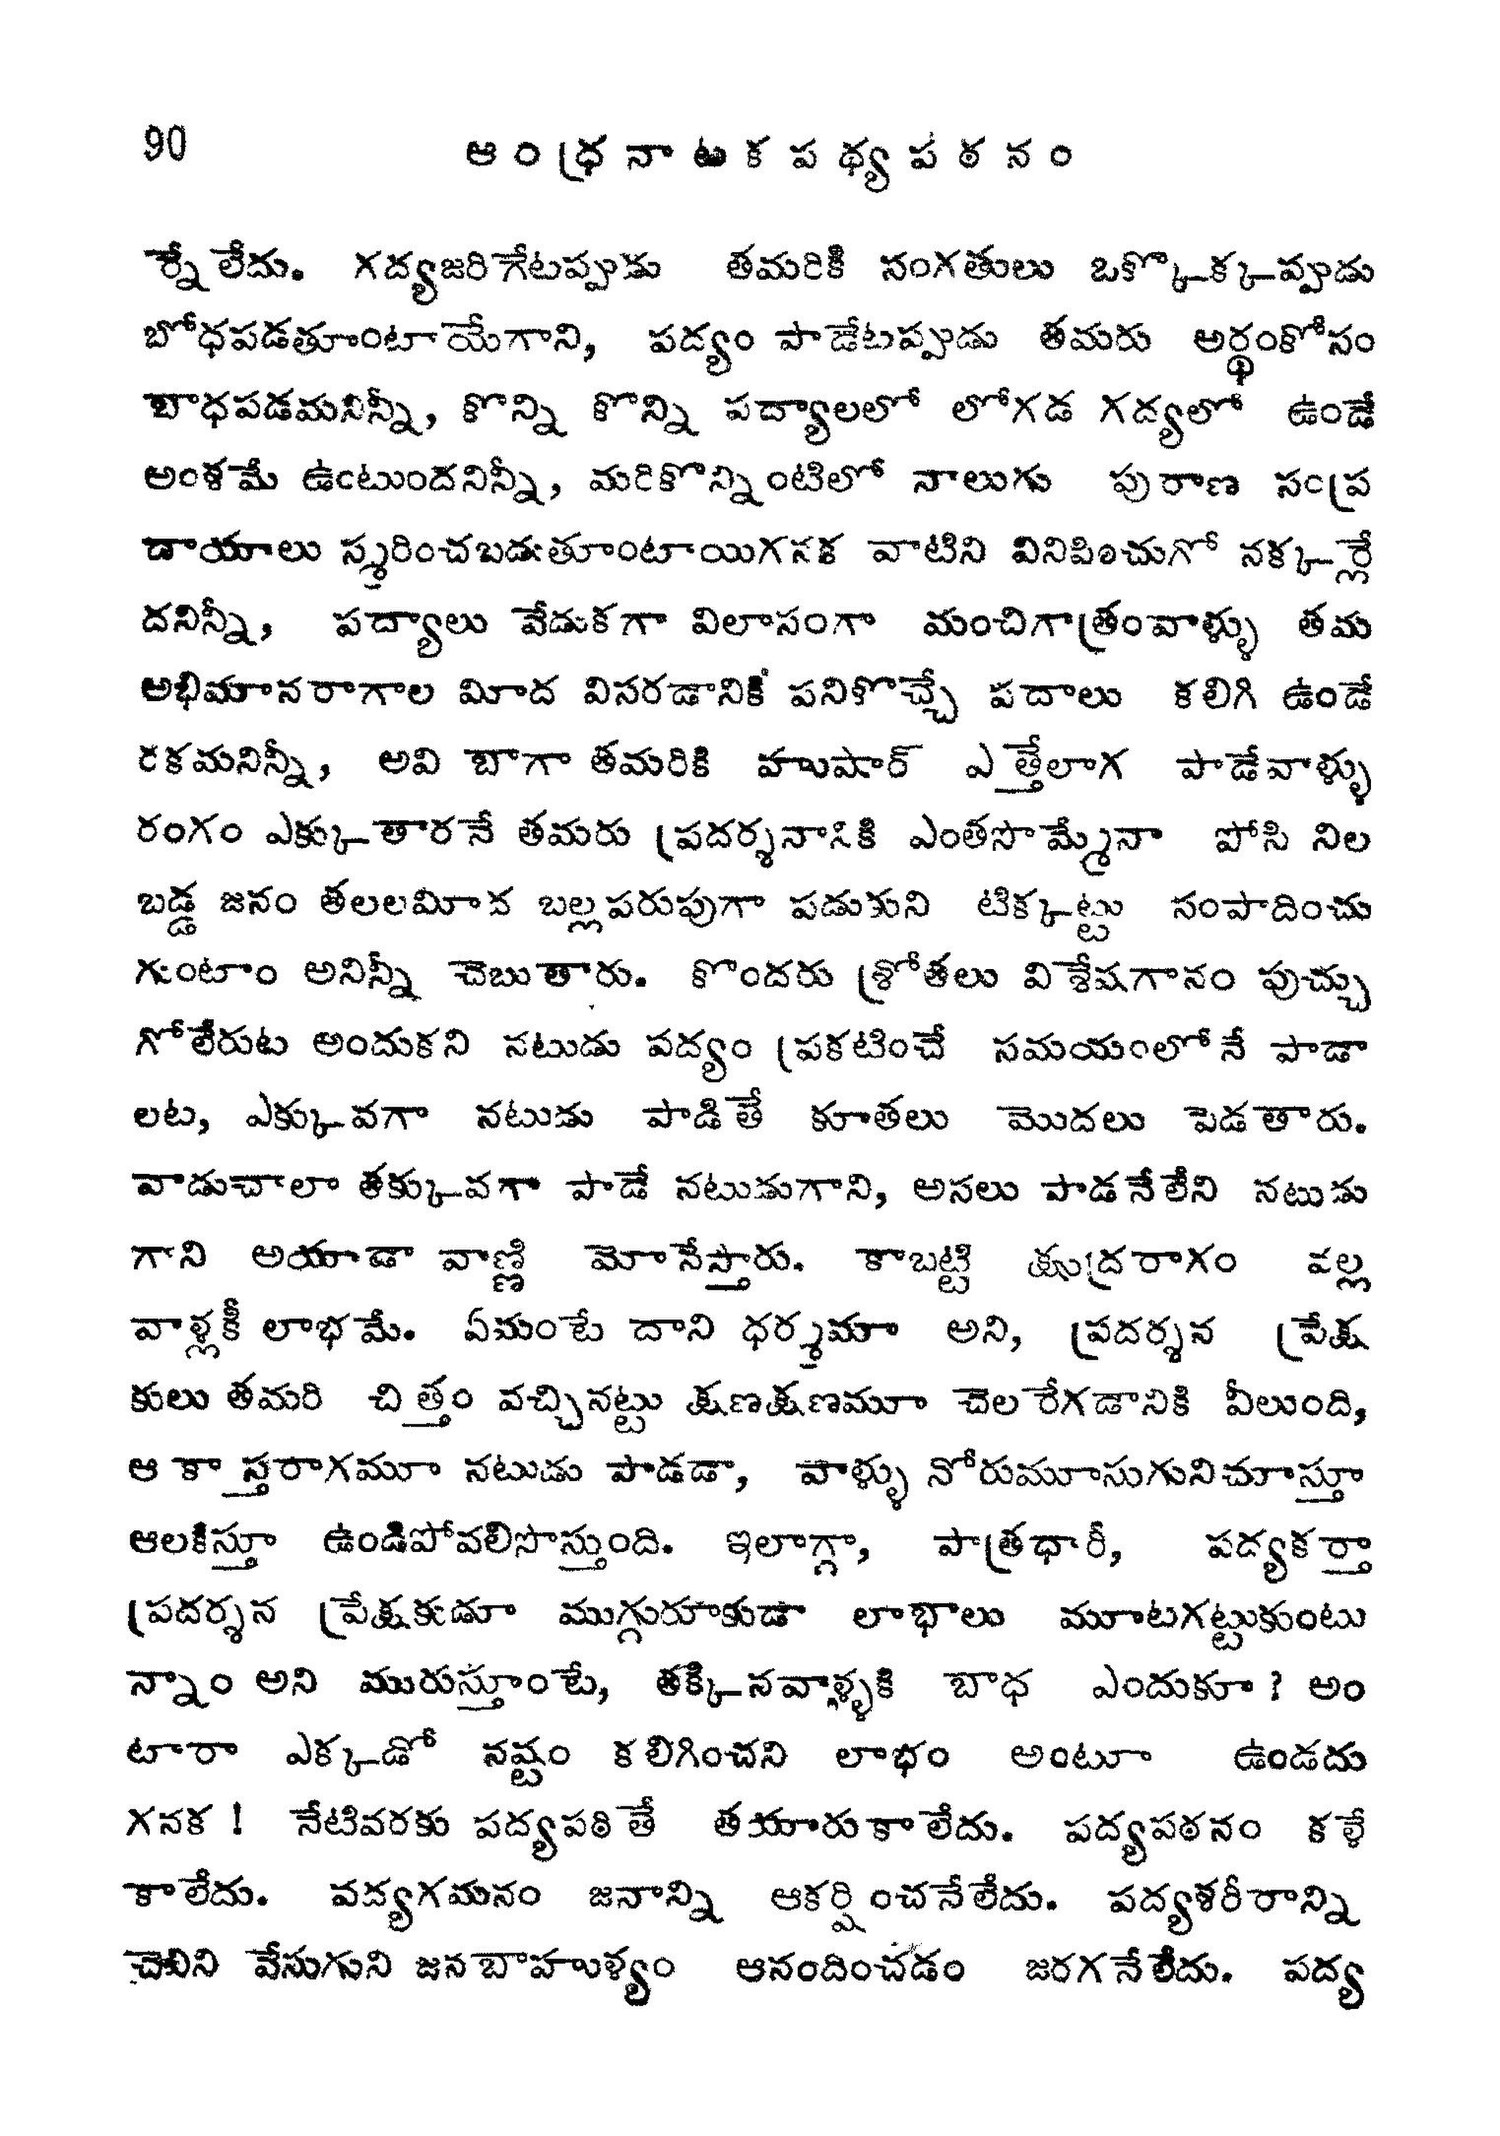ర్నేలేదు. గద్యజరిగేటప్పుడు తమరికి సంగతులు ఒక్కొక్కప్పుడు
బోధపడతూంటాయేగాని, పద్యం పాడేటప్పుడు తమరు అర్థంకోసం
బాధపడమనిన్నీ, కొన్ని కొన్ని పద్యాలలో లోగడ గద్యలో ఉండే
అంశమే ఉంటుందనిన్నీ, మరికొన్నింటిలో నాలుగు పురాణ సంప్ర
దాయాలు స్మరించబడుతూంటాయిగనక వాటిని వినిపించుకో నక్కర్లే
దనిన్నీ, పద్యాలు వేడుకగా విలాసంగా మంచిగాత్రంవాళ్ళు తమ
అభిమానరాగాల మీద విసరడానికి పనికొచ్చే పదాలు కలిగి ఉండే
రకమనిన్నీ, అవి బాగా తమరికి హుషార్ ఎత్తేలాగ పాడేవాళ్ళు
రంగం ఎక్కుతారనే తమరు ప్రదర్శనానికి ఎంతసొమ్మేనా పోసి నిల
బడ్డ జనం తలలమీద బల్లపరుపుగా పడుకుని టిక్కట్టు సంపాదించు
గుంటాం అనిన్నీ చెబుతారు. కొందరు శ్రోతలు విశేషగానం పుచ్చు
గోలేరుట అందుకని నటుడు పద్యం ప్రకటించే సమయంలోనే పాడా
లట, ఎక్కువగా నటుడు పాడితే కూతలు మొదలు పెడతారు.
వాడుచాలా తక్కువగా పాడే నటుడుగాని, అసలు పాడనేలేని నటుడు
గాని అయాడా వాణ్ణి మోసేస్తారు. కాబట్టి క్షుద్రరాగం వల్ల
వాళ్లకీ లాభమే. ఏమంటే దాని ధర్మమా అని, ప్రదర్శన ప్రేక్ష
కులు తమరి చిత్తం వచ్చినట్టు క్షణక్షణమూ చెలరేగడానికి వీలుంది,
ఆ కాస్తరాగమూ నటుడు పాడడా, వాళ్ళు నోరుమూసుకుని చూస్తూ
ఆలకిస్తూ ఉండిపోవలిసొస్తుంది. ఇలాగ్గా, పాత్రధారీ, పద్యకర్తా
ప్రదర్శన ప్రేక్షకుడూ ముగ్గురూకుడా లాభాలు మూటగట్టుకుంటు
న్నాం అని మురుస్తూంటే, తక్కినవాళ్ళకి బాధ ఎందుకు ? అం
టారా ఎక్కడో నష్టం కలిగించని లాభం అంటూ ఉండదు
గనక ! నేటివరకు పద్యపఠితే తయారుకాలేదు. పద్యపఠనం కళే
కాలేదు. పద్యగమనం జనాన్ని ఆకర్షించనేలేదు. పద్యశరీరాన్ని
చెవిని వేసుగుని జనబాహుళ్యం ఆనందించడం జరగనేలేదు. పద్య